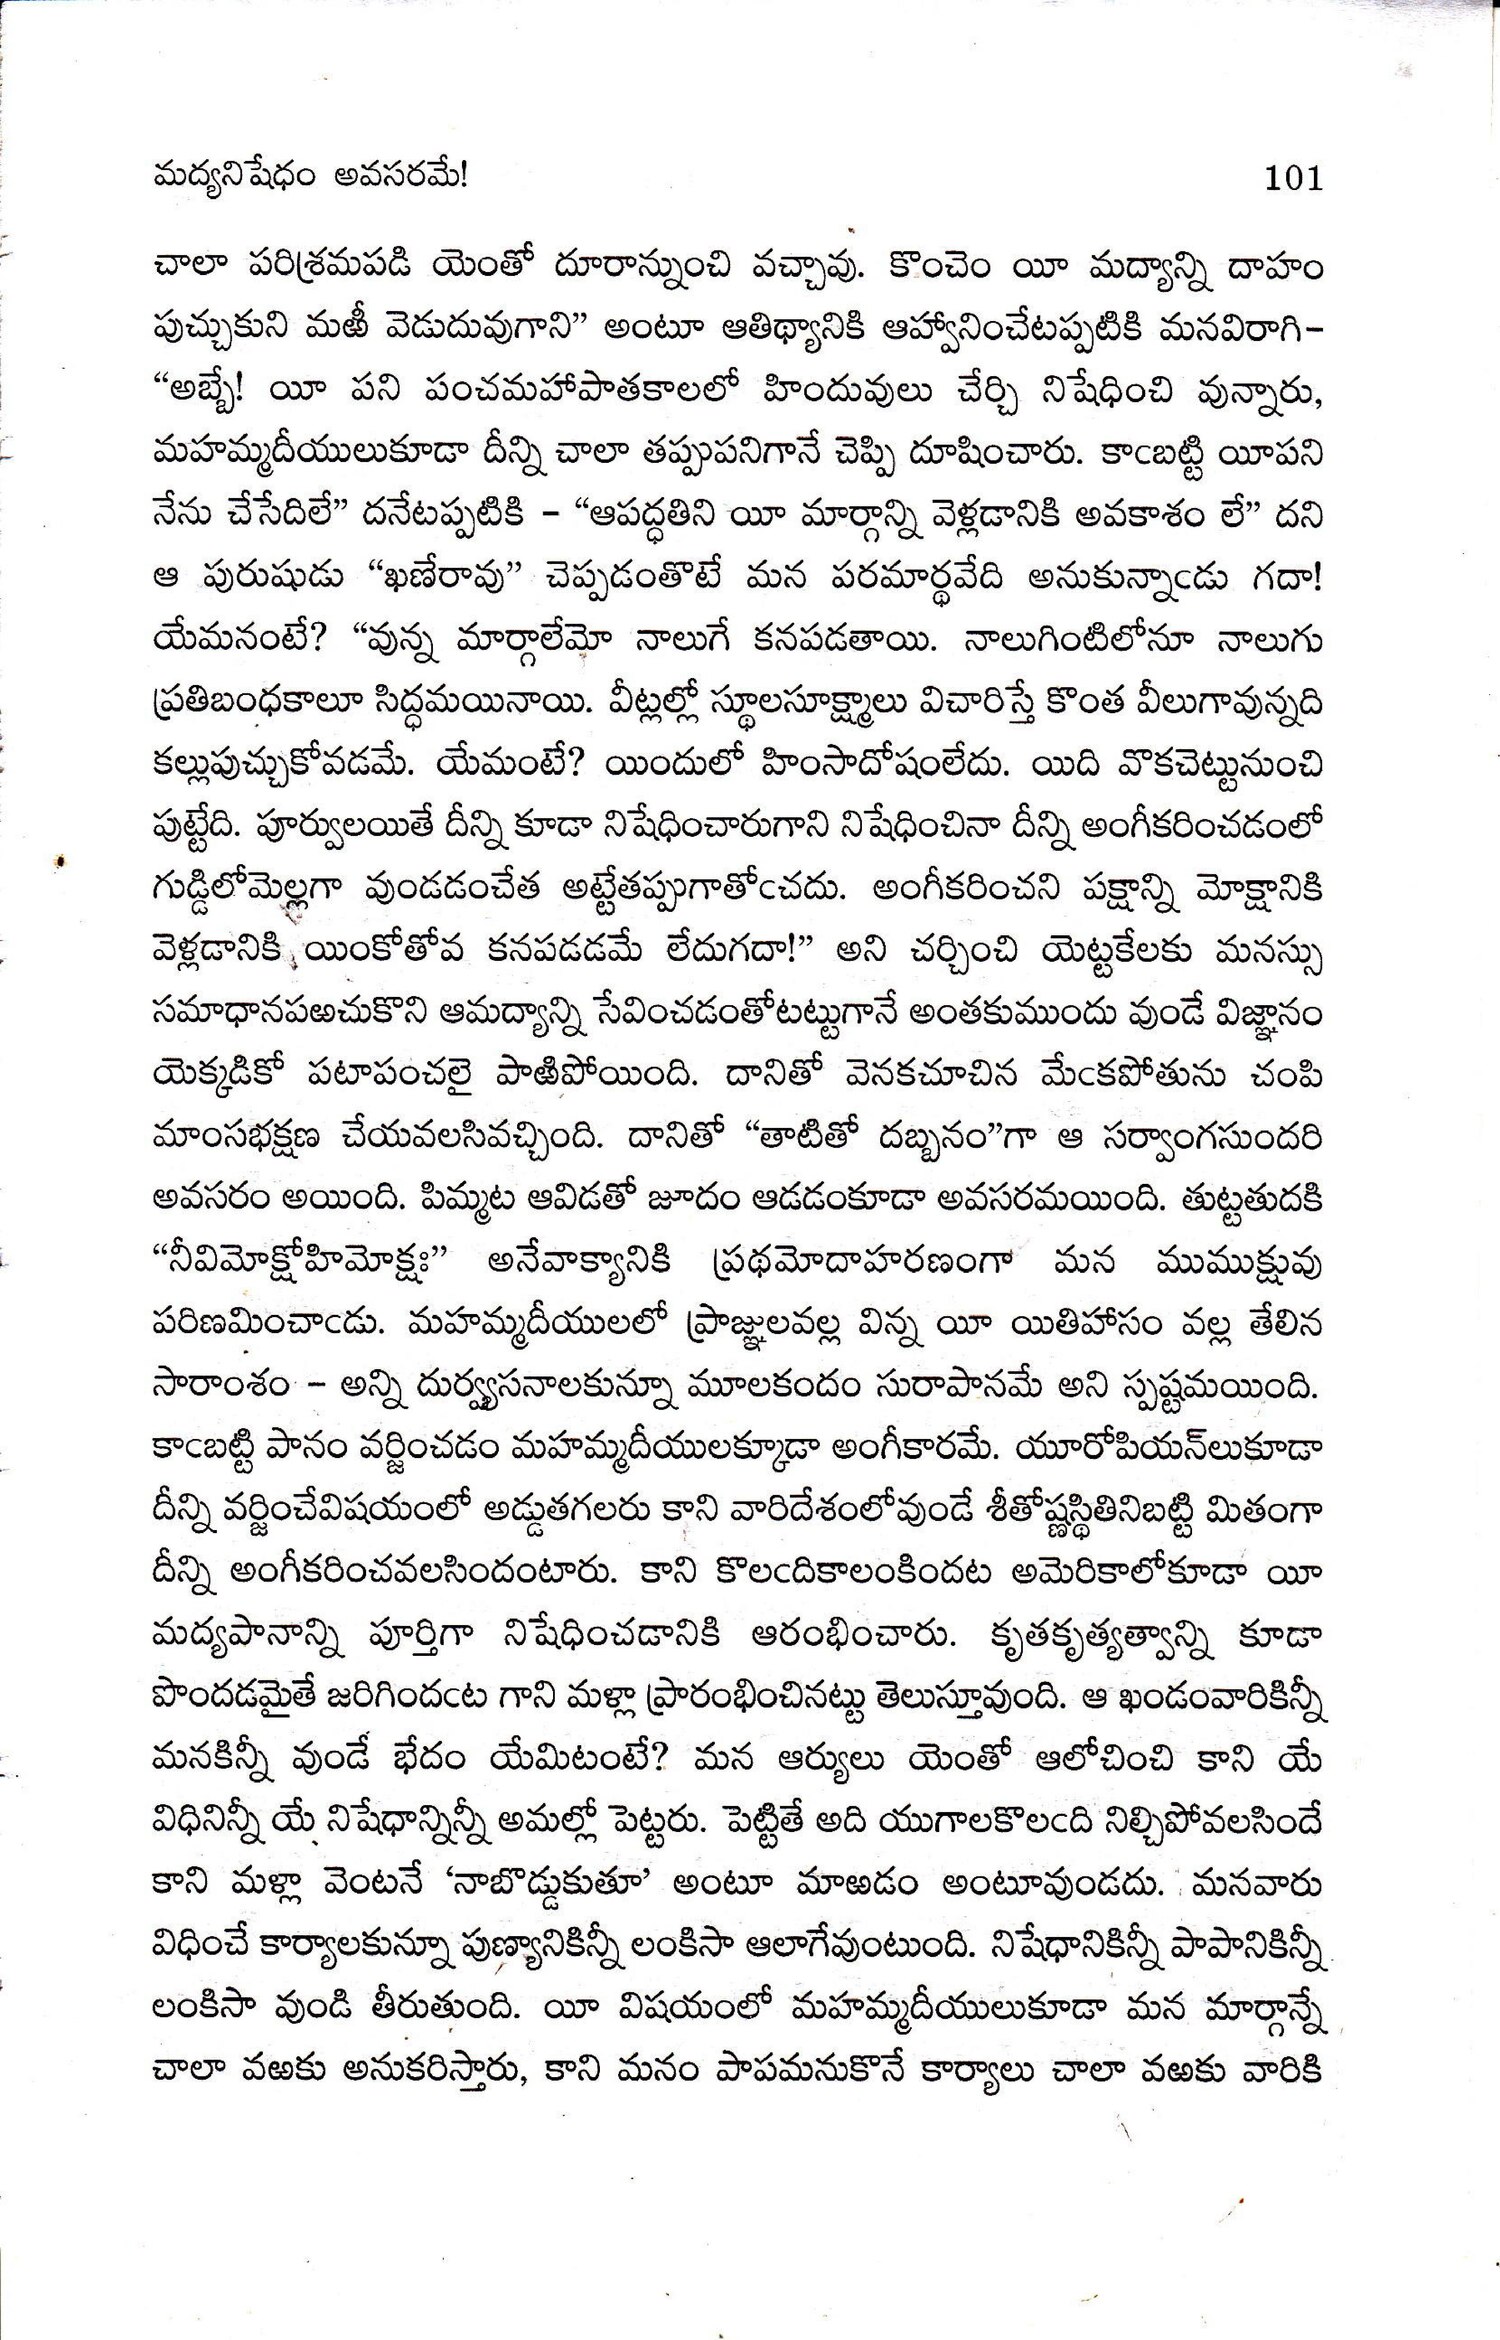చాలా పరిశ్రమపడి యెంతో దూరాన్నుంచి వచ్చావు. కొంచెం యీ మద్యాన్ని దాహం పుచ్చుకుని మటీ వెడుదువుగాని" అంటూ ఆతిథ్యానికి ఆహ్వానించేటప్పటికి మనవిరాగి“అబ్బే! యీ పని పంచమహాపాతకాలలో హిందువులు చేర్చి నిషేధించి వున్నారు, మహమ్మదీయులుకూడా దీన్ని చాలా తప్పపనిగానే చెప్పి దూషించారు. కాcబట్టి యీపని నేను చేసేదిలే" దనేటప్పటికి - "ఆపద్ధతిని యీ మార్గాన్ని వెళ్లడానికి అవకాశం లే" దని ఆ పురుషుడు “ఖజేరావు’ చెప్పడంతొటే మన పరమార్థవేది అనుకున్నాండు గదా! యేమనంటే? “వున్న మార్గాలేమో నాలుగే కనపడతాయి. నాలుగింటిలోనూ నాలుగు ప్రతిబంధకాలూ సిద్ధమయినాయి. వీట్లల్లో సూలసూక్ష్మాలు విచారిస్తే కొంత వీలుగావున్నది కల్లపుచ్చుకోవడమే. యేమంటే? యిందులో హింసాదోషంలేదు. యిది వొకచెట్టునుంచి పుట్టేది. పూర్వులయితే దీన్ని కూడా నిషేధించారుగాని నిషేధించినా దీన్ని అంగీకరించడంలో గుడ్డిలోమెల్లగా వుండడంచేత అట్టేతప్పగాతోంచదు. అంగీకరించని పక్షాన్ని మోక్షానికి వెళ్లడానికి యింకోతోవ కనపడడమే లేదుగదా!" అని చర్చించి యెట్టకేలకు మనస్సు సమాధానపఱచుకొని ఆమద్యాన్ని సేవించడంతోటట్టుగానే అంతకుముందు వుండే విజ్ఞానం యొక్కడికో పటాపంచలై పాతిపోయింది. దానితో వెనకచూచిన మేంకపోతును చంపి మాంసభక్షణ చేయవలసివచ్చింది. దానితో "తాటితో దబ్బనం"గా ఆ సర్వాంగసుందరి అవసరం అయింది. పిమ్మట ఆవిడతో జూదం ఆడడంకూడా అవసరమయింది. తుట్టతుదకి “నీవిమోక్షోహిమోక్ష" అనేవాక్యానికి ప్రథమోదాహరణంగా మన ముముక్షువు పరిణమించాండు. మహమ్మదీయులలో ప్రాజ్ఞలవల్ల విన్న యీ యితిహాసం వల్ల తేలిన సారాంశం - అన్ని దుర్వ్యసనాలకున్నూ మూలకందం సురాపానమే అని స్పష్టమయింది. కాcబట్టి పానం వర్ణించడం మహమ్మదీయులక్కూడా అంగీకారమే. యూరోపియన్లుకూడా దీన్ని వర్ణించేవిషయంలో అడ్డుతగలరు కాని వారిదేశంలోవుండే శీతోష్ణస్థితినిబట్టి మితంగా దీన్ని అంగీకరించవలసిందంటారు. కాని కొలఁదికాలంకిందట అమెరికాలోకూడా యీ మద్యపానాన్ని పూర్తిగా నిషేధించడానికి ఆరంభించారు. కృతకృత్యత్వాన్ని కూడా పొందడమైతే జరిగిందంట గాని మళ్లా ప్రారంభించినట్టు తెలుస్తూవుంది. ఆ ఖండంవారికిన్నీ మనకిన్నీ వుండే భేదం యేమిటంటే? మన ఆర్యులు యెంతో ఆలోచించి కాని యే విధినిన్నీయే నిషేధాన్నిన్నీ అమల్లో పెట్టరు. పెట్టితే అది యుగాలకొలఁది నిల్చిపోవలసిందే కాని మళ్లా వెంటనే నాటొడ్డుకుతూ అంటూ మాఱడం అంటూవుండదు. మనవారు విధించే కార్యాలకున్నూ పుణ్యానికిన్నీ లంకిసా ఆలాగేవుంటుంది. నిషేధానికిన్నీ పాపానికిన్నీ లంకిసా వుండి తీరుతుంది. యీ విషయంలో మహమ్మదీయులుకూడా మన మార్గాన్నే చాలా వఱకు అనుకరిస్తారు, కాని మనం పాపమనుకొనే కార్యాలు చాలా వఱకు వారికి